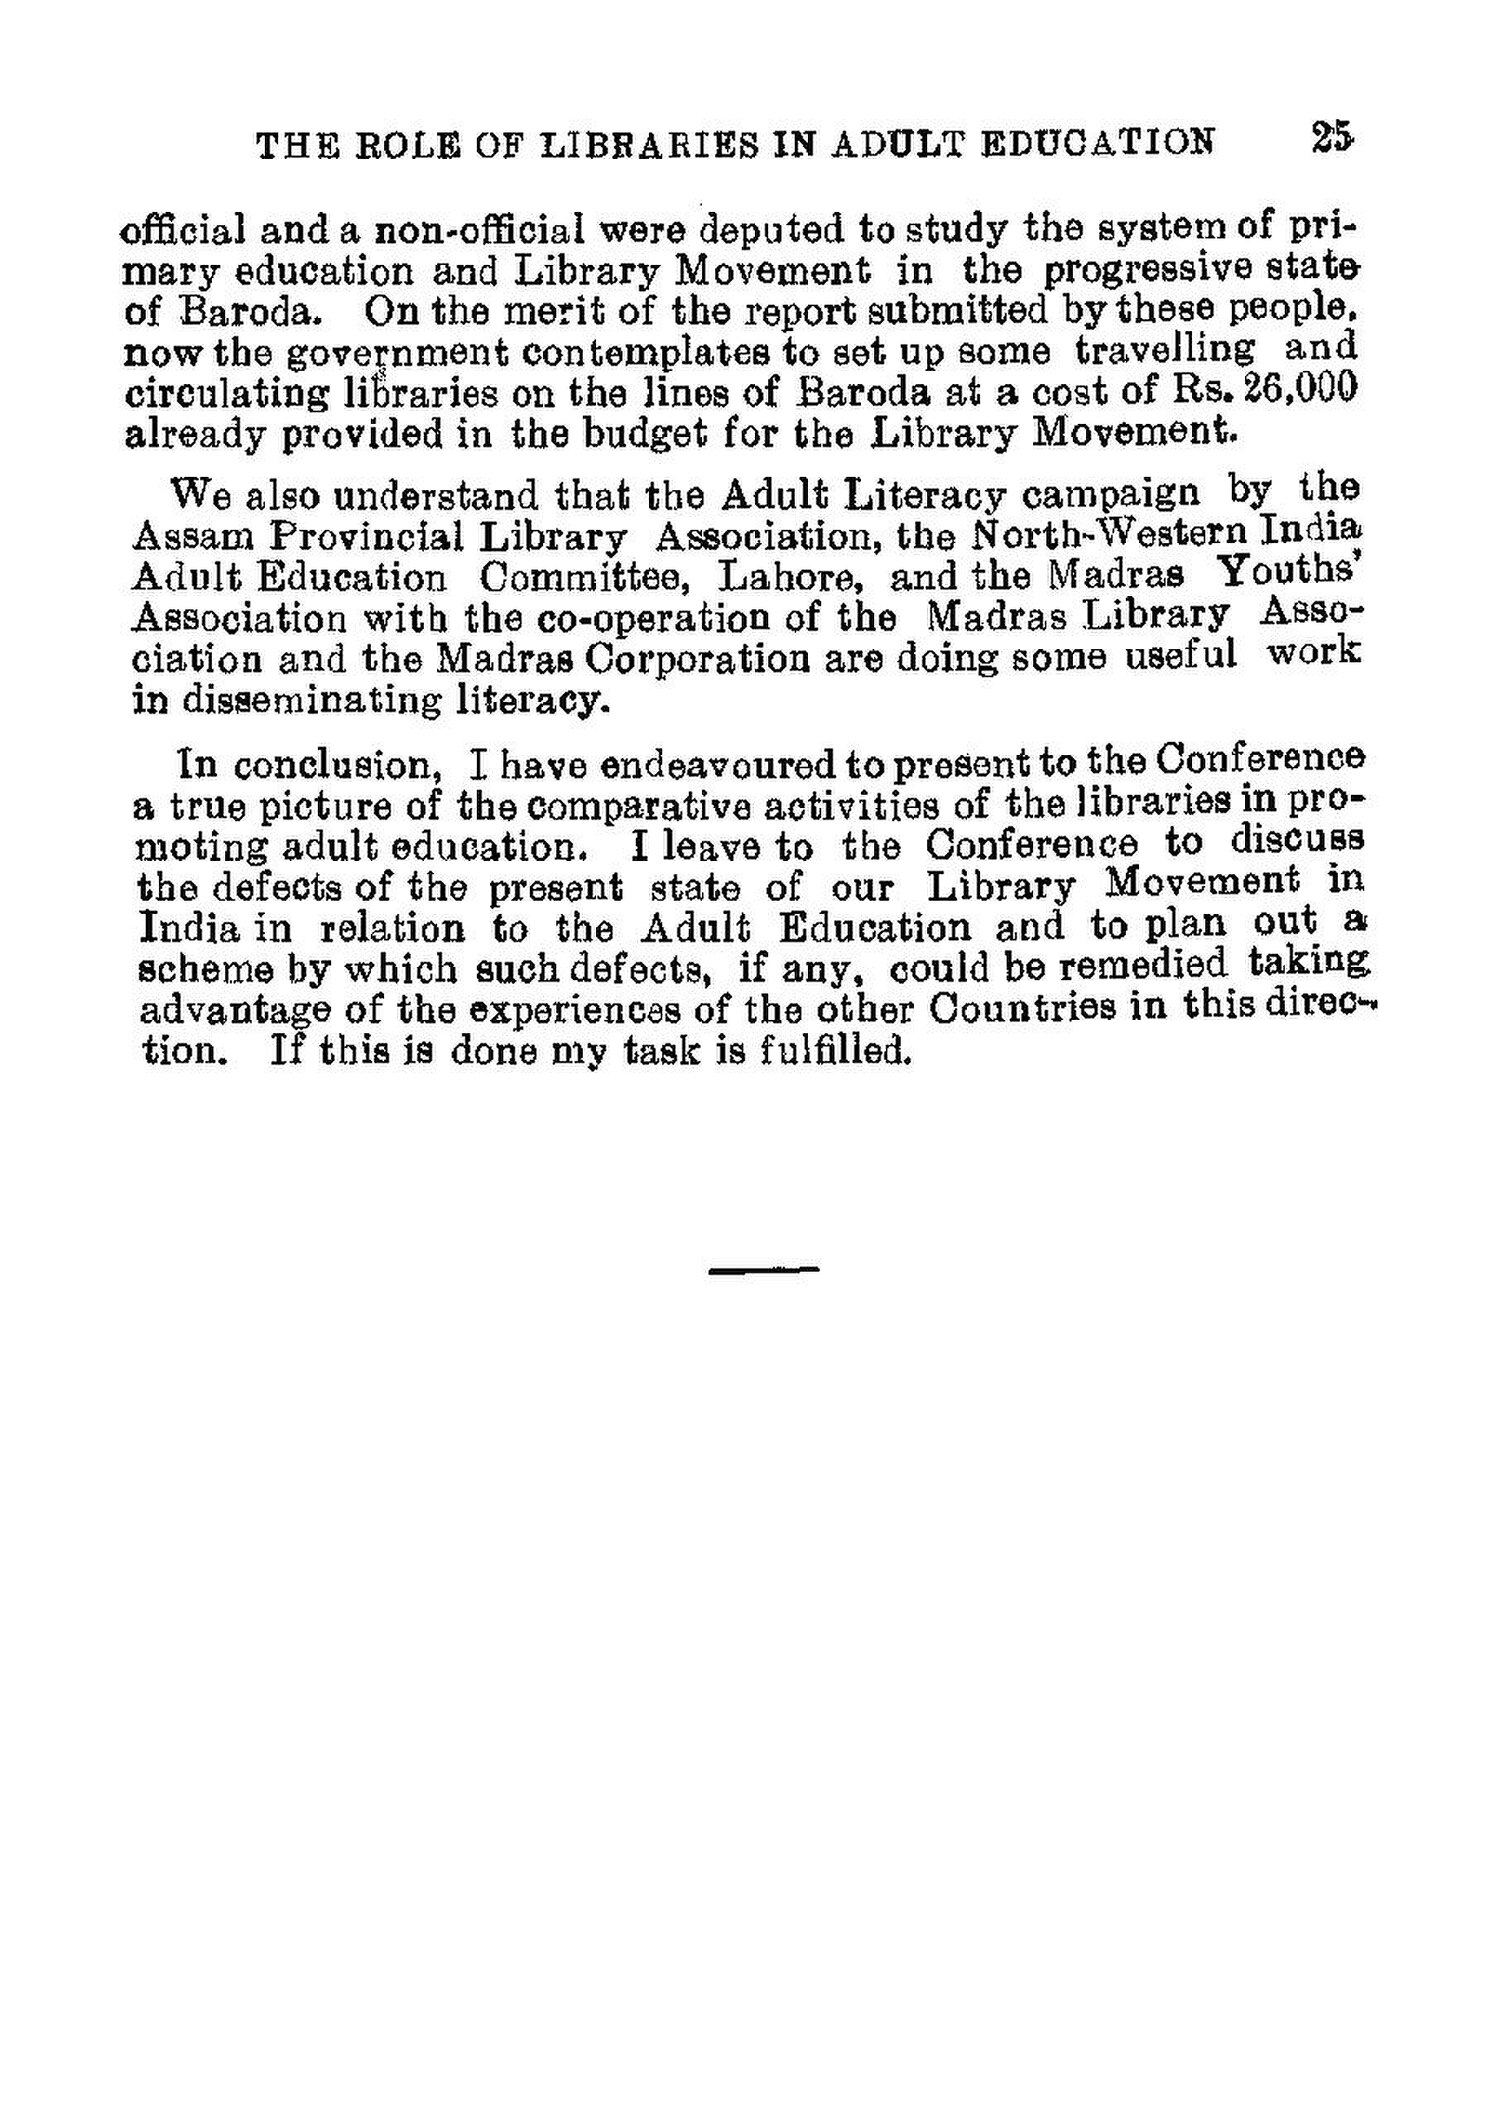official and a non-official were deputed to study the system of primary education and Library Movement in the progressive state of Baroda. On the merit of the report submitted by these people. now the government contemplates to set up some travelling and circulating libraries on the lines of Baroda at a cost of Rs.26,000 already provided in the budget for the Library Movement.

We also understand that the Adult Literacy campaign by the Assam Provincial Library Association, the North-Western India Adult Education Committee, Lahore, and the Madras Youths Association with the co-operation of the Madras Library Association and the Madras Corporation are doing some useful work in disseminating literacy.

In conclusion, I have endeavored to present to the Conference a true picture of the comparative activities of the libraries in promoting adult education. I leave to the Conference to discuss the defects of the present state of our Library Movement in India in relation to the Adult Education and to plan out a scheme by which such defects, 
if any, could be remedied taking advantage of the experiences of the other Countries in this direction. If this 
is done my task is fulfilled.